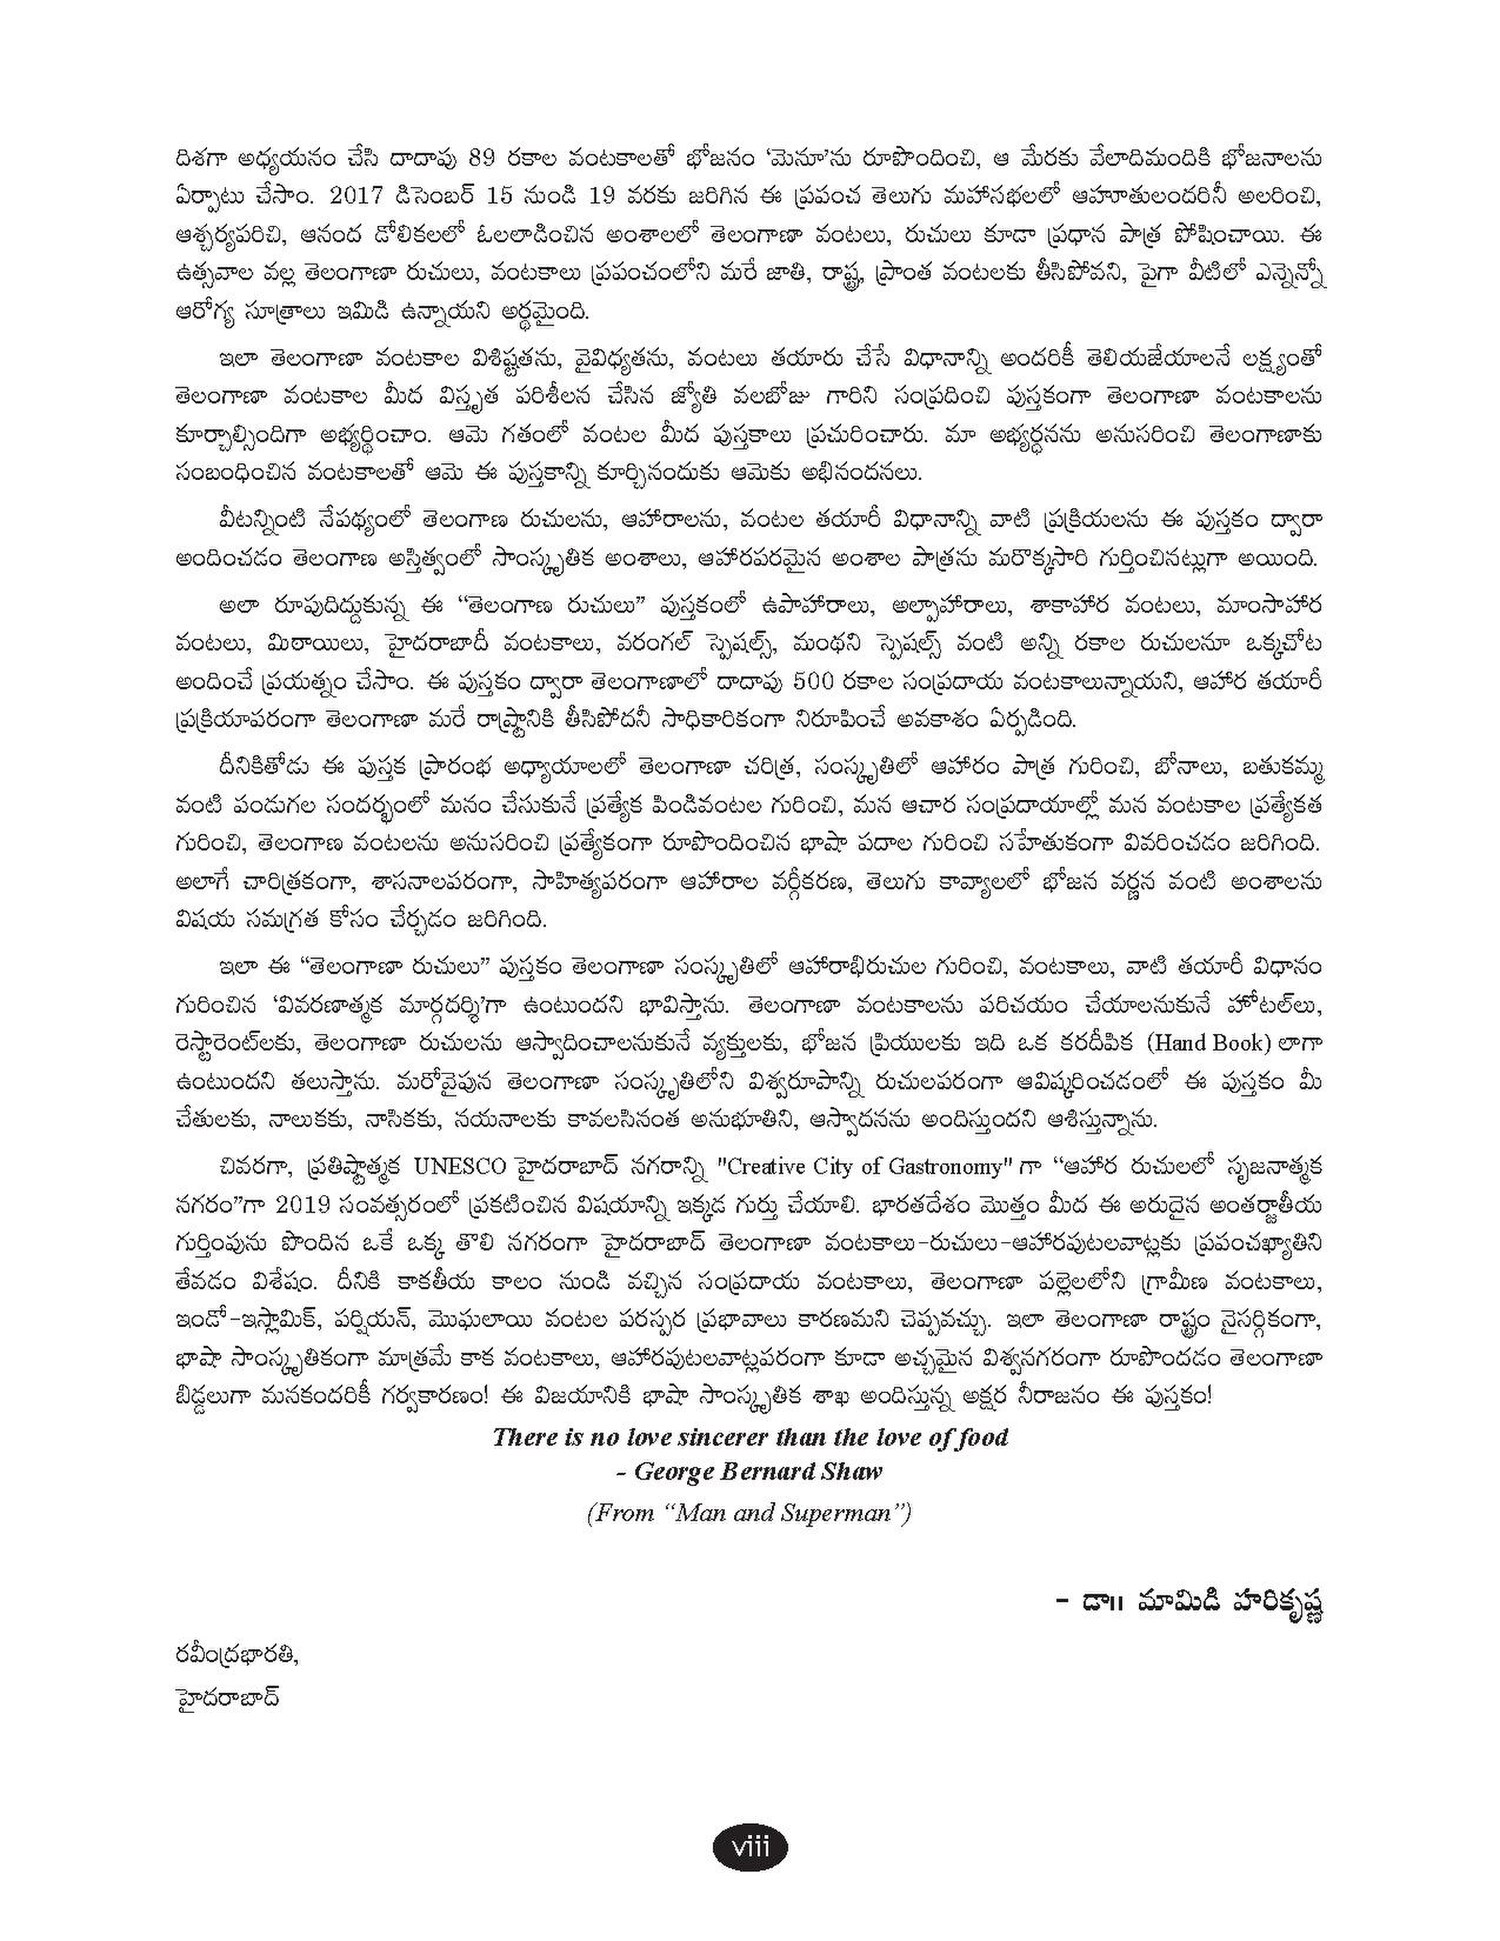దిశగా అధ్యయనం చేసి దాదాపు 89 రకాల వంటకాలతో భోజనం 'మెనూ'ను రూపొందించి, ఆ మేరకు వేలాదిమందికి భోజనాలను ఏర్పాటు చేసాం. 2017 డిసెంబర్ 15 నుండి 19 వరకు జరిగిన ఈ ప్రపంచ తెలుగు మహాసభలలో ఆహూతులందరినీ అలరించి, ఆశ్చర్యపరిచి, ఆనంద డోలికలలో ఓలలాడించిన అంశాలలో తెలంగాణా వంటలు, రుచులు కూడా ప్రధాన పాత్ర పోషించాయి. ఈ ఉత్సవాల వల్ల తెలంగాణా రుచులు, వంటకాలు ప్రపంచంలోని మరే జాతి, రాష్ట్ర, ప్రాంత వంటలకు తీసిపోవని, పైగా వీటిలో ఎన్నెన్నో ఆరోగ్య సూత్రాలు ఇమిడి ఉన్నాయని అర్థమైంది.

ఇలా తెలంగాణా వంటకాల విశిష్టతను, వైవిధ్యతను, వంటలు తయారు చేసే విధానాన్ని అందరికీ తెలియజేయాలనే లక్ష్యంతో తెలంగాణా వంటకాల మీద విస్తృత పరిశీలన చేసిన జ్యోతి వలబోజు గారిని సంప్రదించి పుస్తకంగా తెలంగాణా వంటకాలను కూర్చాల్సిందిగా అభ్యర్ధించాం. ఆమె గతంలో వంటల మీద పుస్తకాలు ప్రచురించారు. మా అభ్యర్ధనను అనుసరించి తెలంగాణాకు సంబంధించిన వంటకాలతో ఆమె ఈ పుస్తకాన్ని కూర్చినందుకు ఆమెకు అభినందనలు.

వీటన్నింటి నేపథ్యంలో తెలంగాణ రుచులను, ఆహారాలను, వంటల తయారీ విధానాన్ని వాటి ప్రక్రియలను ఈ పుస్తకం ద్వారా అందించడం తెలంగాణ అస్తిత్వంలో సాంస్కృతిక అంశాలు, ఆహారపరమైన అంశాల పాత్రను మరొక్కసారి గుర్తించినట్లుగా అయింది.

అలా రూపుదిద్దుకున్న ఈ "తెలంగాణ రుచులు” పుస్తకంలో ఉపాహారాలు, అల్పాహారాలు, శాకాహార వంటలు, మాంసాహార
వంటలు, మిఠాయిలు, హైదరాబాదీ వంటకాలు, వరంగల్ స్పెషల్స్, మంథని స్పెషల్స్ వంటి అన్ని రకాల రుచులనూ ఒక్కచోట అందించే ప్రయత్నం చేసాం. ఈ పుస్తకం ద్వారా తెలంగాణాలో దాదాపు 500 రకాల సంప్రదాయ వంటకా లున్నాయని, ఆహార తయారీ ప్రక్రియాపరంగా తెలంగాణా మరే రాష్ట్రానికి తీసిపోదనీ సాధికారికంగా నిరూపించే అవకాశం ఏర్పడింది.

దీనికితోడు ఈ పుస్తక ప్రారంభ అధ్యాయాలలో తెలంగాణా చరిత్ర, సంస్కృతిలో ఆహారం పాత్ర గురించి, బోనాలు, బతుకమ్మ వంటి పండుగల సందర్భంలో మనం చేసుకునే ప్రత్యేక పిండివంటల గురించి, మన ఆచార సంప్రదాయాల్లో మన వంటకాల ప్రత్యేకత గురించి, తెలంగాణ వంటలను అనుసరించి ప్రత్యేకంగా రూపొందించిన భాషా పదాల గురించి సహేతుకంగా వివరించడం జరిగింది. అలాగే చారిత్రకంగా, శాసనాలపరంగా, సాహిత్యపరంగా ఆహారాల వర్గీకరణ,తెలుగు కావ్యాలలో భోజన వర్ణన వంటి అంశాలను విషయ సమగ్రత కోసం చేర్చడం జరిగింది.

ఇలా ఈ "తెలంగాణా రుచులు” పుస్తకం తెలంగాణా సంస్కృతిలో ఆహారాభిరుచుల గురించి, వంటకాలు, వాటి తయారీ విధానం గురించిన 'వివరణాత్మక మార్గదర్శి'గా ఉంటుందని భావిస్తాను. తెలంగాణా వంటకాలను పరిచయం చేయాలనుకునే హోటలు, రెస్టారెంట్లకు, తెలంగాణా రుచులను ఆస్వాదించాలనుకునే వ్యక్తులకు, భోజన ప్రియులకు ఇది ఒక కరదీపిక (Hand Book) లాగా ఉంటుందని తలుస్తాను. మరోవైపున తెలంగాణా సంస్కృతిలోని విశ్వరూపాన్ని రుచులపరంగా ఆవిష్కరించడంలో ఈ పుస్తకం మీ చేతులకు, నాలుకకు, నాసికకు, నయనాలకు కావలసినంత అనుభూతిని, ఆస్వాదనను అందిస్తుందని ఆశిస్తున్నాను.

చివరగా, ప్రతిష్టాత్మక UNESCO హైదరాబాద్ నగరాన్ని "Creative City of Gastronomy" గా "ఆహార రుచులలో సృజనాత్మక నగరం"గా 2019 సంవత్సరంలో ప్రకటించిన విషయాన్ని ఇక్కడ గుర్తు చేయాలి. భారతదేశం మొత్తం మీద ఈ అరుదైన అంతర్జాతీయ గుర్తింపును పొందిన ఒకే ఒక్క తొలి నగరంగా హైదరాబాద్ తెలంగాణా వంటకాలు - రుచులు-ఆహారపుటలవాట్లకు ప్రపంచఖ్యాతిని తేవడం విశేషం. దీనికి కాకతీయ కాలం నుండి వచ్చిన సంప్రదాయ వంటకాలు, తెలంగాణా పల్లెలలోని గ్రామీణ వంటకాలు, ఇండో-ఇస్లామిక్, పర్షియన్, మొఘలాయి వంటల పరస్పర ప్రభావాలు కారణమని చెప్పవచ్చు. ఇలా తెలంగాణా రాష్ట్రం నైసర్గికంగా, భాషా సాంస్కృతికంగా మాత్రమే కాక వంటకాలు, ఆహారపు టలవాట్లపరంగా కూడా అచ్చమైన విశ్వనగరంగా రూపొందడం తెలంగాణా బిడ్డలుగా మనకందరికీ గర్వకారణం! ఈ విజయానికి భాషా సాంస్కృతిక శాఖ అందిస్తున్న అక్షర నీరాజనం ఈ పుస్తకం!

రవీంద్రభారతి,
హైదరాబాద్